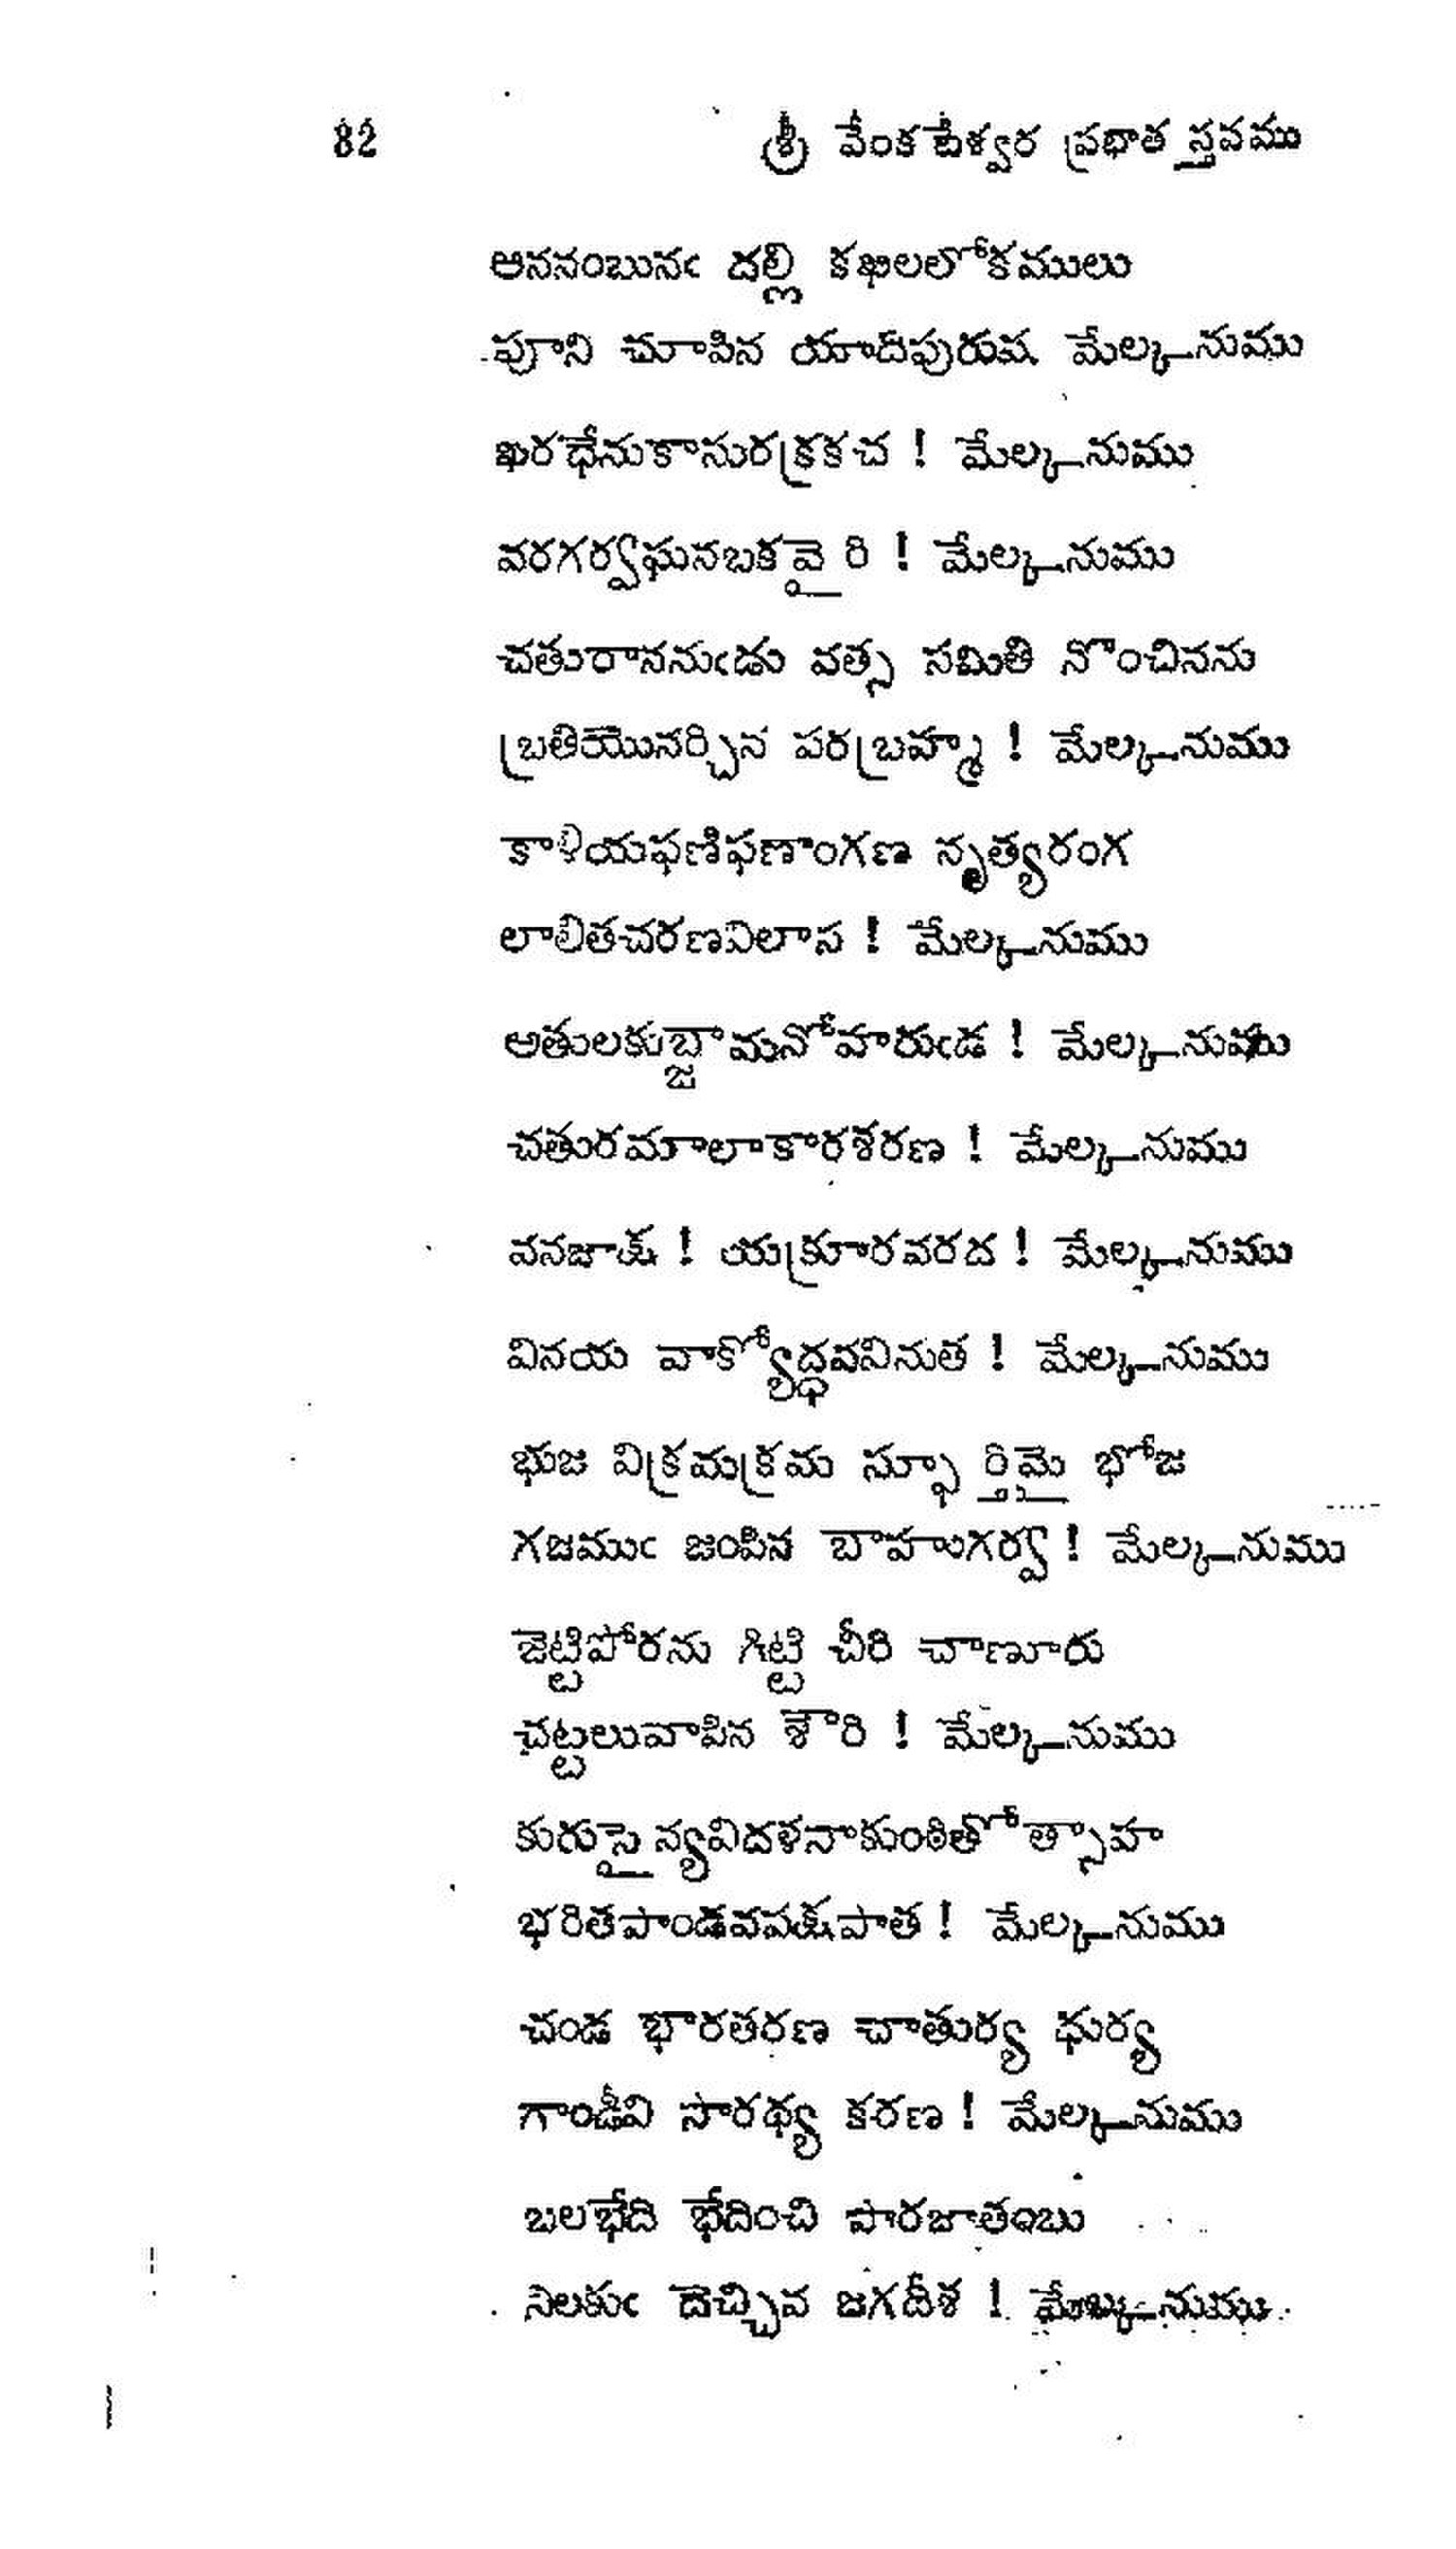' 

ఆననంబునఁ దల్లి కఖిలలోకములు 
పూని చూపిన యాదపురుష మేల్కనుము 

ఖర ధేనుకాసురక్రకచ ! మేల్కనుము 
వరగర్వఘనబక వైరి ! మేల్కనుము 

చతురాసనుఁడు వత్స సమితి నొంచినను
బ్రతియొనర్చిన పరబ్రహ్మ ! మేల్కనుము 

కాళియ ఫణిఫణాంగణ నృత్యరంగ 
లాలితచరణవిలాస ! మేల్కనుము 

అతులకుబ్ధామనోహరుఁడ ! మేల్కనుము 
చతురమాలా కారశరణ ! మేల్కనుము 

వనజాక్ష ! యక్రూరవరద ! మేల్కనుము 
వినయ వాక్యోద్ధవనినుత ! మేల్కనుము 

భుజ విక్రమక్రమ స్ఫూర్తిమై భోజ 
గజముఁ జంపిన బాహుగర్వ ! మేల్కనుము 

జెట్టిపోరను గిట్టి చీరి చాణూరు 
చట్టలువాపిన శౌరి ! మేల్కనుము 

కురుసైన్యవిదళనాకుంఠితోత్సాహ 
భరితపాండవపక్షపాత ! మేల్కనుము 

చండ భారతరణ చాతుర్య ధుర్య 
గాండీవి 'సారథ్య కరణ ! మేల్కమము 

బల భేది భేదించి పారజాతంబు 
నిలకుఁ దెచ్చివ జగదీశ ! మేజ్కు నుము